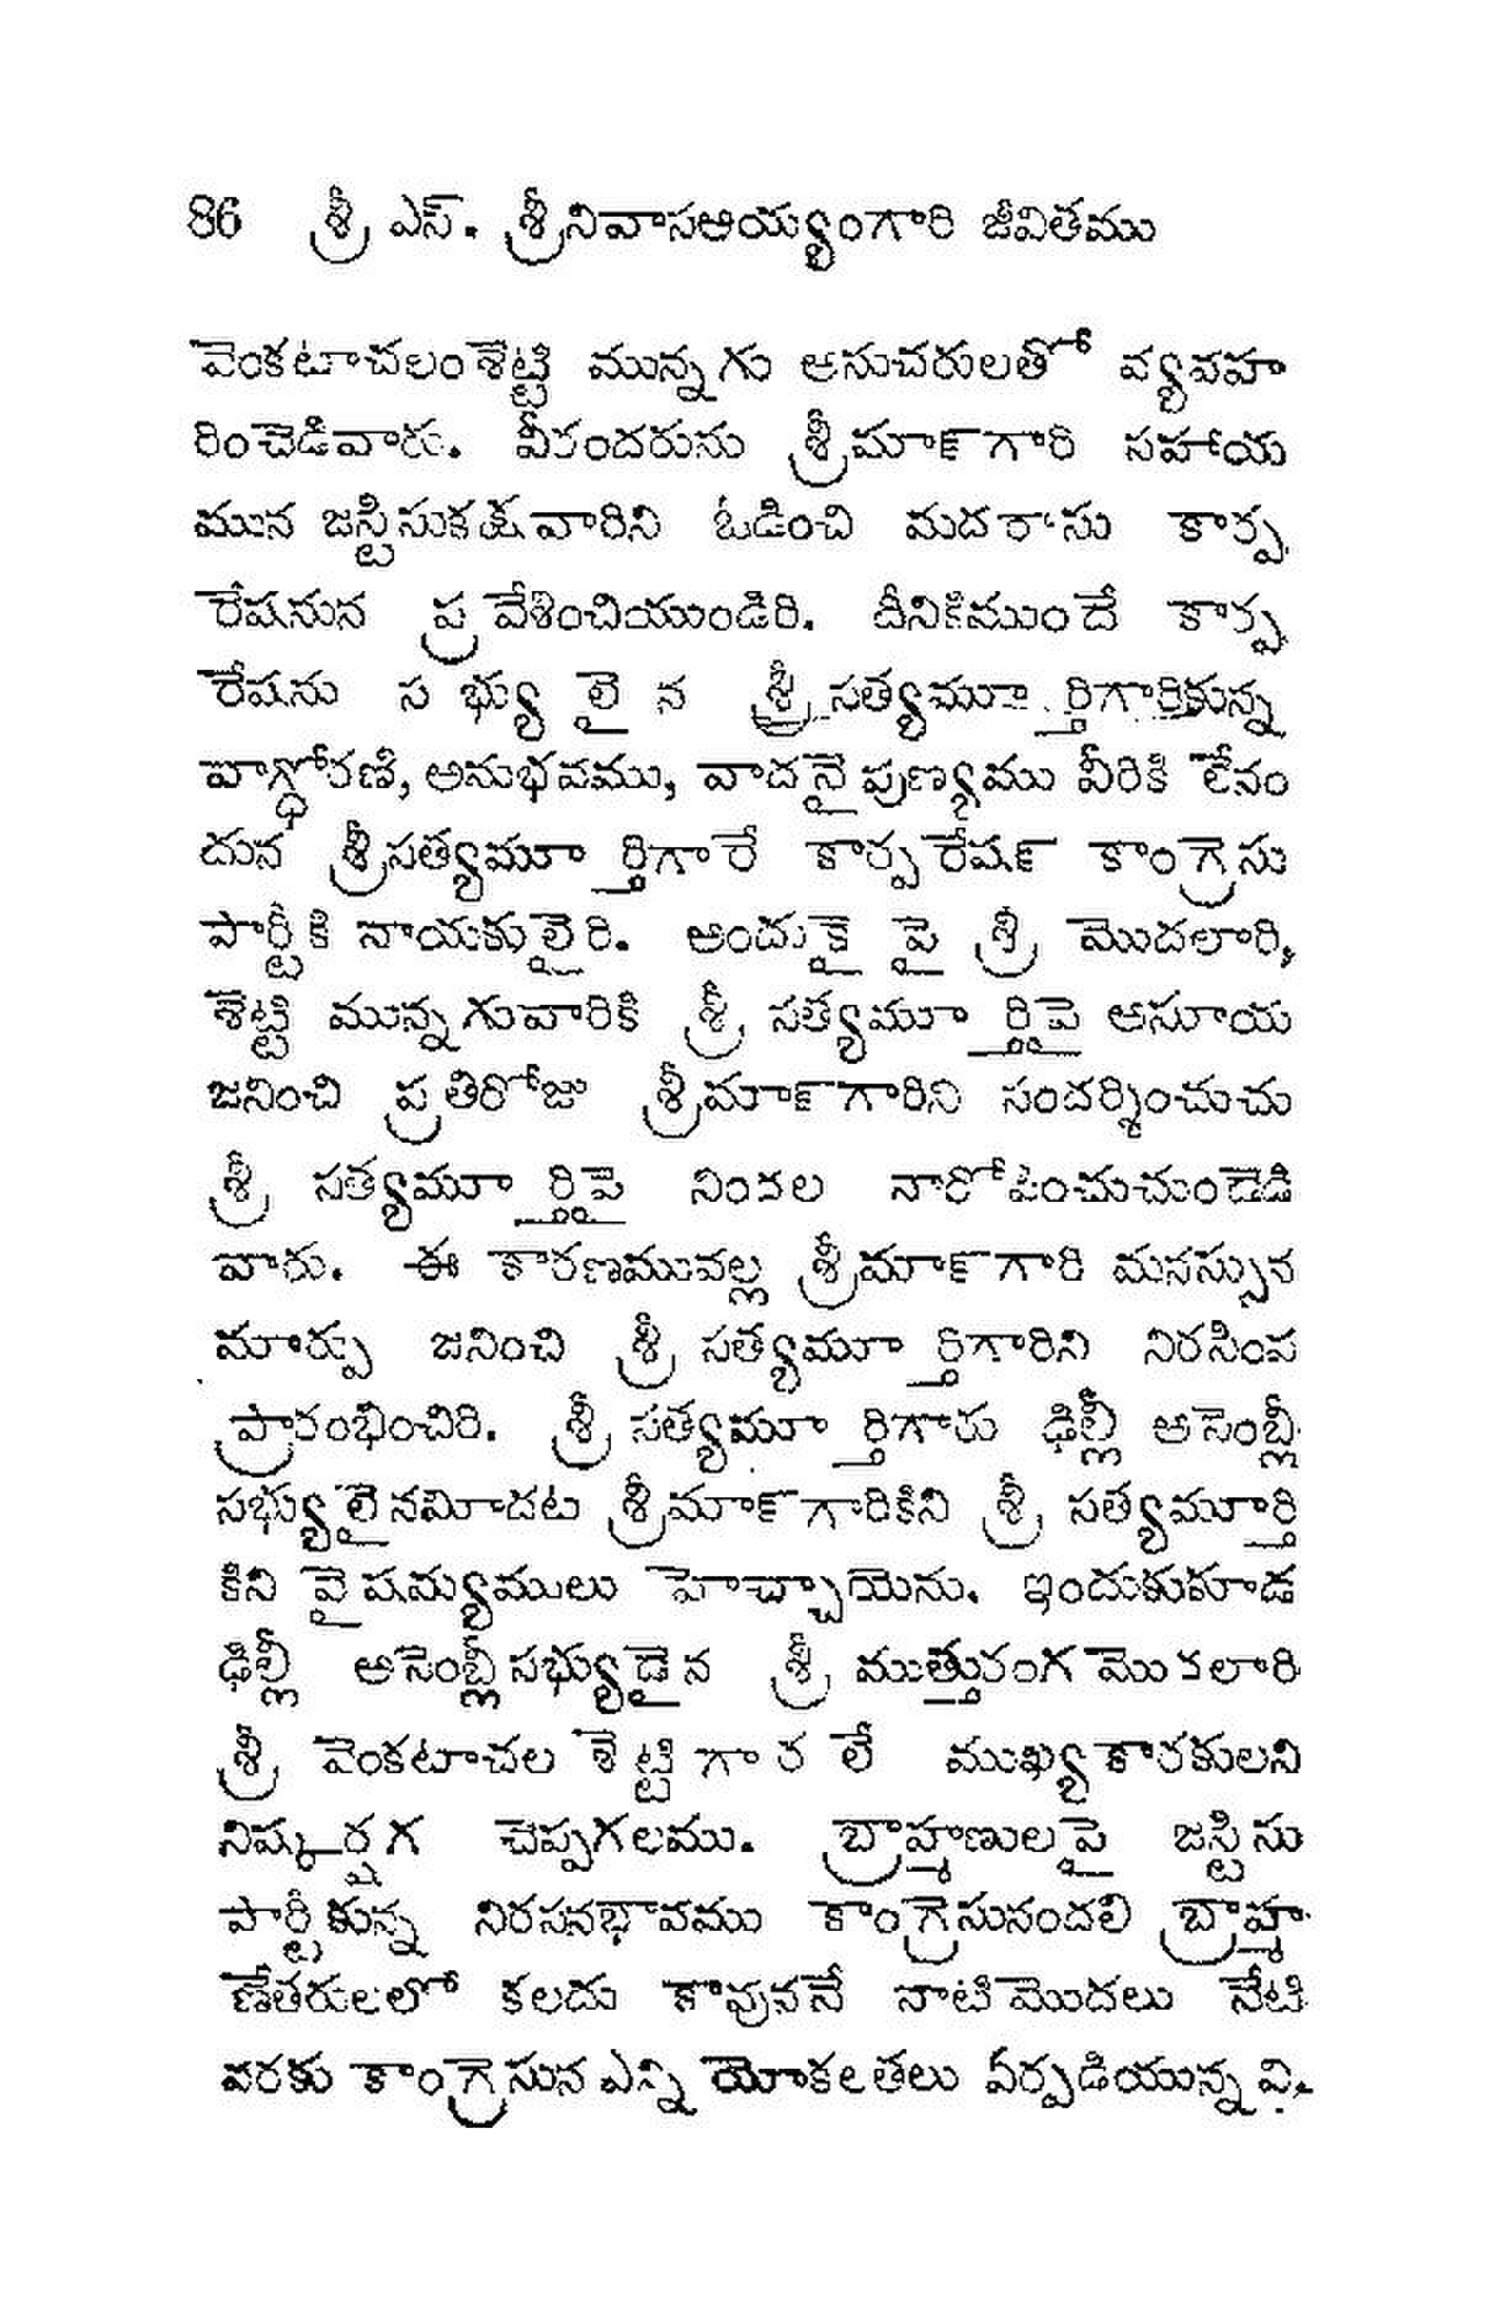వెంకటాచలంశెట్టి మున్నగు అనుచరులతో వ్యవహరించెడివారు. వీరందరును శ్రీమా౯గారి సహాయమున జస్టిసుకక్షవారిని ఓడించి మదరాసు కార్పరేషనున ప్రవేశించియుండిరి. దీనికిముందే కార్పరేషను సభ్యులైన శ్రీ సత్యమూర్తిగారికున్న వాగ్ధోరణి, అనుభవము, వాదనైపుణ్యము వీరికి లేనందున శ్రీ సత్యమూర్తిగారే కార్పరేష౯ కాంగ్రెసు పార్టీకి నాయకులైరి. అందుకై పై శ్రీ మొదలారి, శెట్టి మున్నగువారికి శ్రీ సత్యమూర్తిపై అసూయ జనించి ప్రతిరోజు శ్రీమా౯ గారిని సందర్శించుచు
శ్రీ సత్యమూర్తిపై నిందల నారోపించుచుండెడి వారు. ఈ కారణమువల్ల శ్రీమా౯గారి మనస్సున మార్పు జనించి శ్రీ సత్యమూర్తిగారని నిరసింప ప్రారంభించిరి. శ్రీ సత్యమూర్తిగారు ఢిల్లీ అసెంబ్లీ సభ్యులైనమీదట శ్రీమా౯గారికిని శ్రీ సత్యమూర్తికిని వైషమ్యములు హెచ్చాయెను. ఇందుకుకూడ ఢిల్లీ అసెంబ్లీసభ్యుడైన శ్రీ ముత్తురంగ మొదలారి శ్రీ వెంకటాచల శెట్టిగారలే ముఖ్య కారకులని నిష్కర్షగా చెప్పగలము. బాహ్మణులపై జస్టిసు పార్టీకున్న నిరసనభావము కాంగ్రెసునందలి బ్రాహ్మణేతరులలో కలదు కావుననే నాటిమొదలు నేటివరకు కాంగ్రెసున ఎన్నియోకలతలు ఏర్పడియున్నవి.